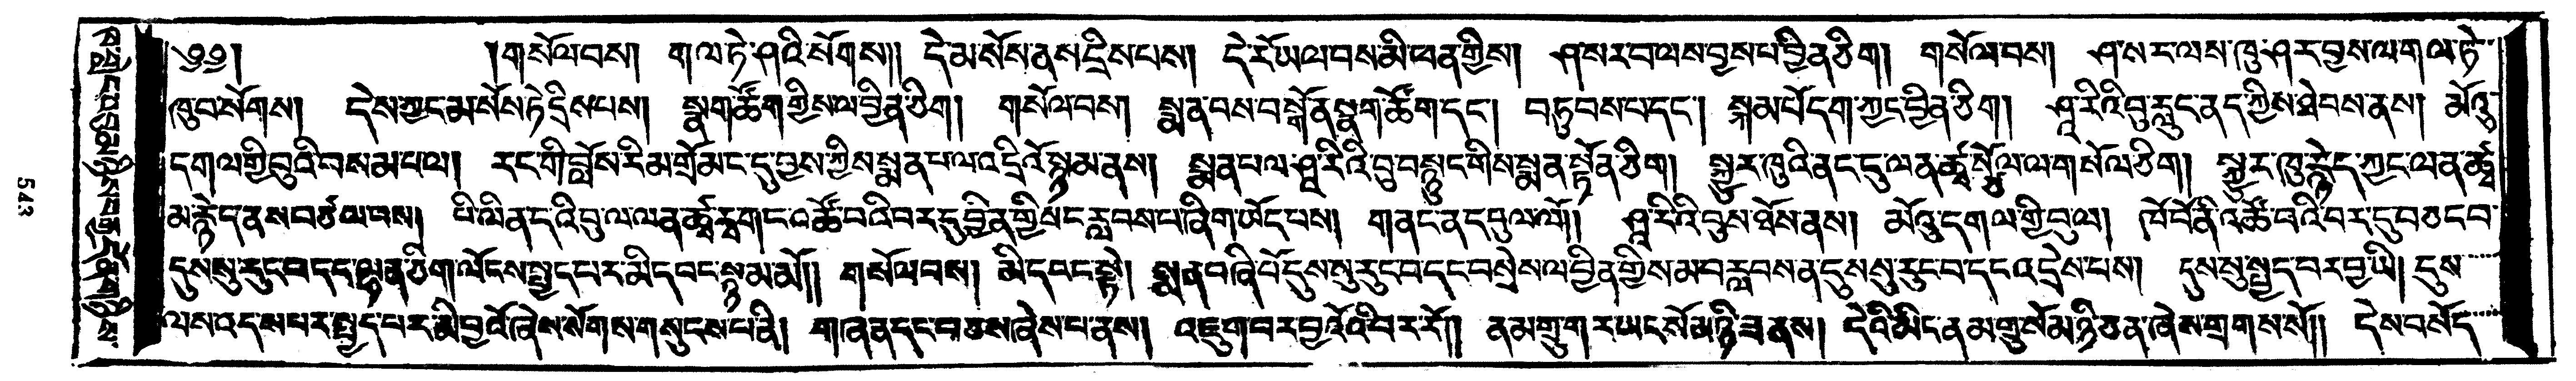༄༅། །གསོལ་བས། གལ་ཏེ་ཤའི་སོགས།། དེ་མ་སོས་ནས་དྲིས་པས། དེ་རོ་ཡལ་བས་མི་ཕན་གྱིས། ཤ་སར་བ་ལས་བྱས་པ་བྱིན་ཅིག། གསོལ་བས། ཤ་སར་ལས་ཁུ་ཤར་བྱས་ལ་གལ་ཏེ་
ཁུ་བ་སོགས། དེས་ཀྱང་མ་སོས་ཏེ་དྲིས་པས། སྣག་ཚོག་གྱིས་ལ་བྱིན་ཅིག། གསོལ་བས། སྨན་པས་བསྒོ་ན་སྣག་ཚོག་དང་། བཏུབས་པ་དང་། སྐམ་པོ་དག་ཀྱང་བྱིན་ཅིག། ཤཱ་རིའི་བུ་རླུང་ནད་ཀྱིས་ཐེབས་ནས། མོའུ་
དགལ་གྱི་བུའི་བསམ་པ་ལ། རང་གི་བློས་རིམ་གྲོ་མང་དུ་བྱས་ཀྱིས་སྨན་པ་ལ་འདྲིའོ་སྙམ་ནས། སྨན་པ་ལ་ཤཱ་རིའི་བུ་བསྙུང་གིས་སྨན་སྟོན་ཅིག། སྐྱུར་ཁུའི་ནང་དུ་ལན་ཚྭ་སྩོལ་ལ་གསོལ་ཅིག། སྐྱུར་ཁུ་རྙེད་ཀྱང་ལན་ཚྭ་
མ་རྙེད་ནས་བཙལ་བས། པི་ལིན་དའི་བུ་ལ་ལན་ཚྭ་རྭ་གང་འཚོ་བའི་བར་དུ་བྱིན་གྱིས་བརླབས་པ་ཞིག་ཡོད་པས། གནང་ནད་དབུལ་ལོ།། ཤཱ་རིའི་བུས་ཐོས་ནས། མོའུ་དགལ་གྱི་བུ་ལ། ཁོ་བོ་ནི་འཚོ་བའི་བར་དུ་བཅང་བ་
དུས་སུ་རུང་བ་དང་ལྷན་ཅིག་ལོངས་སྤྱད་པར་མི་དབང་སྙམ་མོ།། གསོལ་བས། མི་དབང་སྟེ། སྨན་བཞི་པོ་དུས་སུ་རུང་བ་དང་བསྲེས་ལ་བྱིན་གྱིས་མ་བརླབས་ན་དུས་སུ་རུང་བ་དང་འདྲེས་པས། དུས་སུ་སྤྱད་བར་བྱ་ཡི། དུས་
ལས་འདས་པར་སྤྱད་པར་མི་བྱའོ་ཞེས་སོགས་གསུངས་པ་ནི། གཞན་དང་བཅས་ཞེས་པ་ནས། འཇུག་བར་བྱའོའི་བར་རོ། །ནམ་གྲུ་གར་ཡང་སོམ་ཉི་ཟ་ནས། དེའི་མིང་ནམ་གྲུ་སོམ་ཉི་ཅན་ཞེས་གྲགས་སོ། །དེས་བསོད་